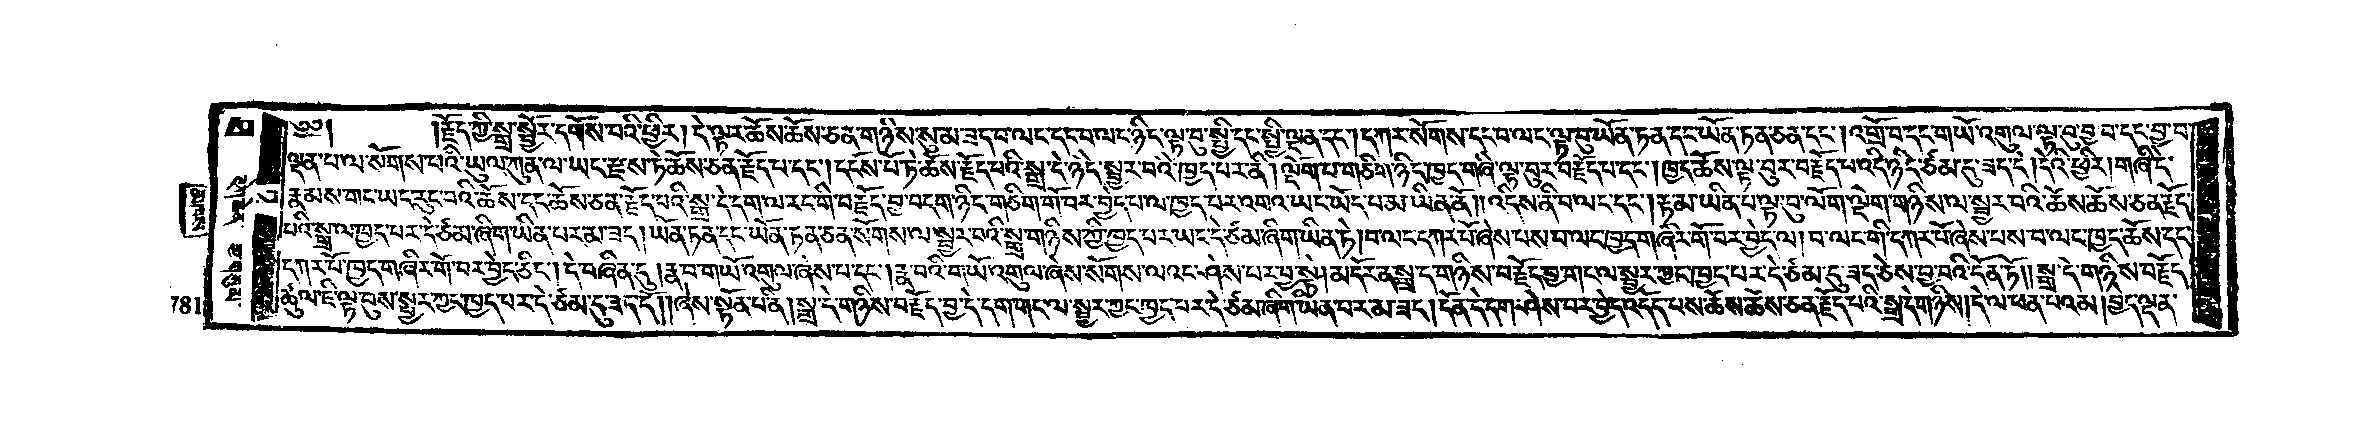༄༅། །རྗོད་ཀྱི་སྒྲ་སྦྱོར་དགོས་པའི་ཕྱིར། དེ་ལྟར་ཆོས་ཆོས་ཅན་གཉིས་སུ་མ་ཟད་བ་ལང་དང་བ་ལང་ཉིད་ལྟ་བུ་སྤྱི་དང་སྤྱི་ལྡན་དང་། དཀར་སོགས་དང་བ་ལང་ལྟ་བུ་ཡོན་ཏན་དང་ཡོན་ཏན་ཅན་དང་། འགྲོ་བ་དང་གཡོ་འགུལ་ལྟ་བུ་བྱ་བ་དང་བྱ་བ་
ལྡན་པ་ལ་སོགས་པའི་ཡུལ་ཀུན་ལ་ཡང་རྫས་ཏེ་ཆོས་ཅན་རྗོད་པ་དང་། དངོས་པོ་ཏེ་ཆོས་རྗོད་པའི་སྒྲ་དེ་ཉིད་སྦྱར་བའི་ཁྱད་པར་ནི། ལྡོག་པ་གཅིག་ཉིད་ཁྱད་གཞི་ལྟ་བུར་བརྗོད་པ་དང་། ཁྱད་ཆོས་ལྟ་བུར་བརྗོད་པ་འདི་ཉིད་ཙམ་དུ་ཟད་དེ། དེའི་ཕྱིར། གཞི་དེ་
རྣམས་གང་ཡང་རུང་བའི་ཆོས་དང་ཆོས་ཅན་རྗོད་པའི་སྒྲ་དེ་དག་ལ་རང་གི་བརྗོད་བྱ་བདག་ཉིད་གཅིག་གོ་བར་བྱེད་པ་ལ་ཁྱད་པར་འགའ་ཡང་ཡོད་པ་མ་ཡིན་ནོ། །འདིས་ནི་བ་ལང་དང་། རྟ་མ་ཡིན་པ་ལྟ་བུ་ལོག་ལྡེག་གཉིས་ལ་སྦྱར་བའི་ཆོས་ཆོས་ཅན་རྗོད་
པའི་སྒྲ་ལ་ཁྱད་པར་དེ་ཙམ་ཞིག་ཡིན་པར་མ་ཟད། ཡོན་ཏན་དང་ཡོན་ཏན་ཅན་སོགས་ལ་སྦྱར་བའི་སྒྲ་གཉིས་ཀྱི་ཁྱད་པར་ཡང་དེ་ཙམ་ཞིག་ཡིན་ཏེ། བ་ལང་དཀར་པོ་ཞེས་པས་བ་ལང་ཁྱད་གཞིར་གོ་བར་བྱེད་ལ། བ་ལང་གི་དཀར་པོ་ཞེས་པས་བ་ལང་ཁྱད་ཆོས་དང་
དཀར་པོ་ཁྱད་གཞིར་གོ་བར་བྱེད་ཅིང་། དེ་བཞིན་དུ། རྣ་བ་གཡོ་འགུལ་ཞེས་པ་དང་། རྣ་བའི་གཡོ་འགུལ་ཞེས་སོགས་ལའང་ཤེས་པར་བྱ་སྟེ། མདོར་ན་སྒྲ་དེ་གཉིས་བརྗོད་བྱ་གང་ལ་སྦྱར་ཀྱང་ཁྱད་པར་དེ་ཙམ་དུ་ཟད་ཅེས་བྱ་བའི་དོན་ཏོ། །སྒྲ་དེ་གཉིས་བརྗོད་
ཚུལ་ཇི་ལྟ་བུས་སྦྱར་ཀྱང་ཁྱད་པར་དེ་ཙམ་དུ་ཟད་དོ། །ཞེས་སྟོན་པ་ནི། སྒྲ་དེ་གཉིས་བརྗོད་བྱ་དེ་དག་གང་ལ་སྦྱར་ཀྱང་ཁྱད་པར་དེ་ཙམ་ཞིག་ཡིན་པར་མ་ཟད། དོན་དེ་དག་ཤེས་པར་བྱེད་འདོད་པས་ཆོས་ཆོས་ཅན་རྗོད་པའི་སྒྲ་དེ་གཉིས། དེ་ལ་ཕན་པའམ། བྱེད་ལྡན་